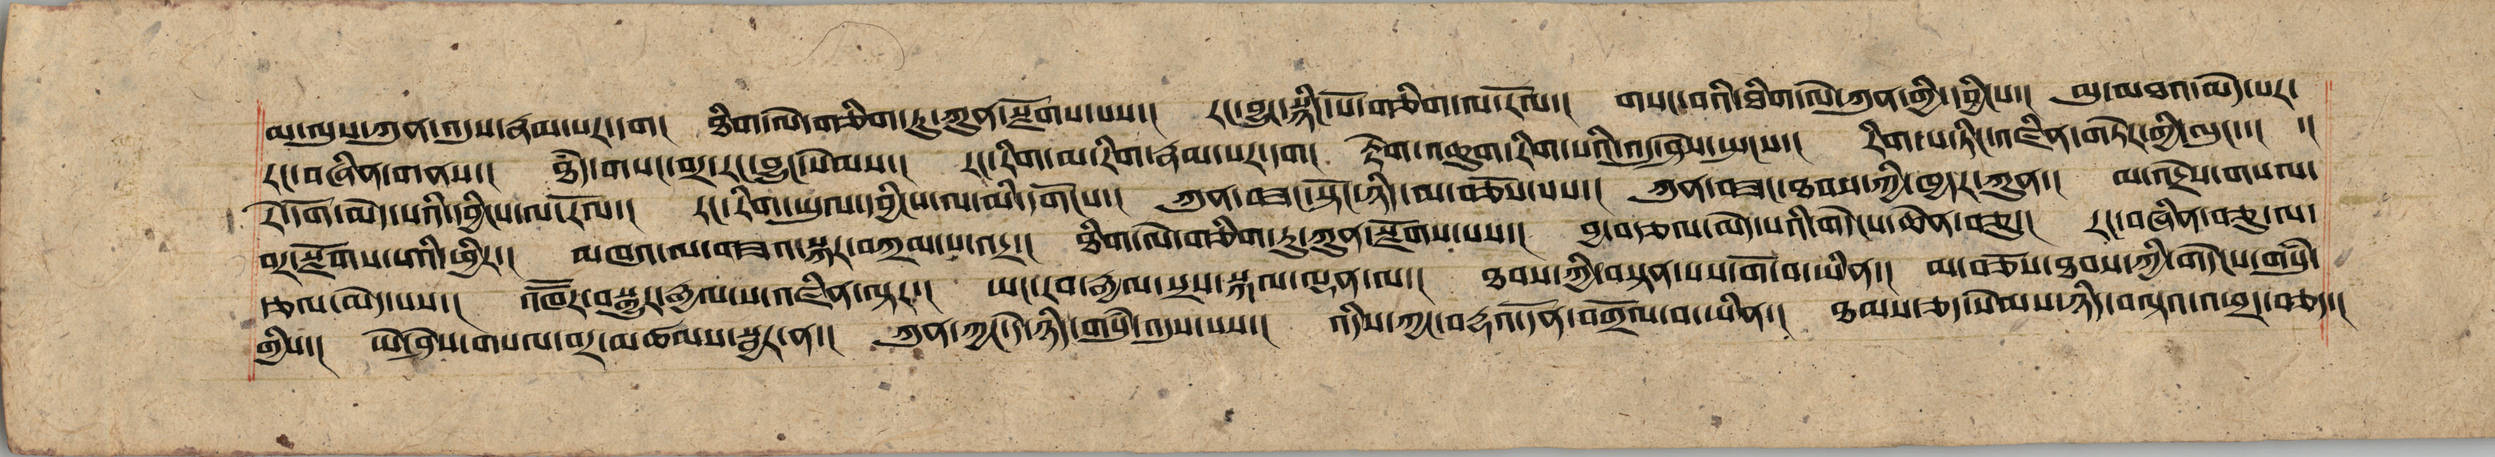མ་ལུས་ཀུན་འདུས་རྣམ་པར་དག། ཐིག་ལེ་གཅིག་ཏུ་ཀུན་སྫོགས་པས་། རང་བྱུང་སྙིང་པོ་གཅིག་ལ་རོལ་། གསང་བའི་ཐིག་ལེ་ཀུན་གྱི་དབྱིངས་། མུ་མཐའ་མེད་པར་
རང་བཞིན་གནས་། ཐཾད་གསང་བར་རང་བྱུང་སེམས་། རང་རིག་མ་རིག་རྣམ་པར་དག། རྟེག་འཆུག་རིག་པའི་འདུ་ཤེས་སྤངས་། རིག་པ་ཏིང་འཛིན་གཏེར་གྱི་ལུང་་། ་།
་ རེ་དོག་མེད་པའི་དབྱིངས་ལ་རོལ་། རང་རིག་ཡུལ་དབྱིངས་ལ་མི་དགོངས་། ཀུན་བཟང་སྟོང་ཉིད་མ་བཅོས་པས་། ཀུན་བཟང་ཐབས་ཀྱི་ཁྱདར་ཀུན་། མ་འདྲེས་གསལ་
བར་སྫོགས་པའི་ཕྱིར་། མཁའ་ལ་གཟའ་སྐར་བཀྲམ་པ་འདྲ་། ཐིག་ལེ་གཅིག་ཏུ་ཀུན་སྫོགས་པས་། བྱ་བརྩལ་མེད་པའི་གདེངས་ཆེན་བཅུ་། རང་བཞིན་བཅུ་ལ་
རྩལ་མེད་པས་། འཁཽར་བསྒྱུར་རྒྱལ་ས་འཛིན་ལྟར་། ཡང་རབ་རྒྱལ་སྲས་སྐལ་ལྡན་ལ་། ཐབས་ཀྱི་བསྟན་པས་གོ་བ་ཡིན་། མ་བཅོས་ཐབས་ཀྱི་གདེངས་གསུཾ་
གྱིས་། ཡེ་ཤེས་གསལ་བར་མཚམས་སྦྱར་ན་། ཀུན་ཀྱང་དེ་ཉིད་གསུཾ་འདུས་པས་། འདིས་ཀྱང་བརྡའ་དོན་བགྲོལ་བ་ཡིན་། ཐམས་ཅད་སེམས་ཉིད་བལྟའ་འཕྲད་བཅད་།